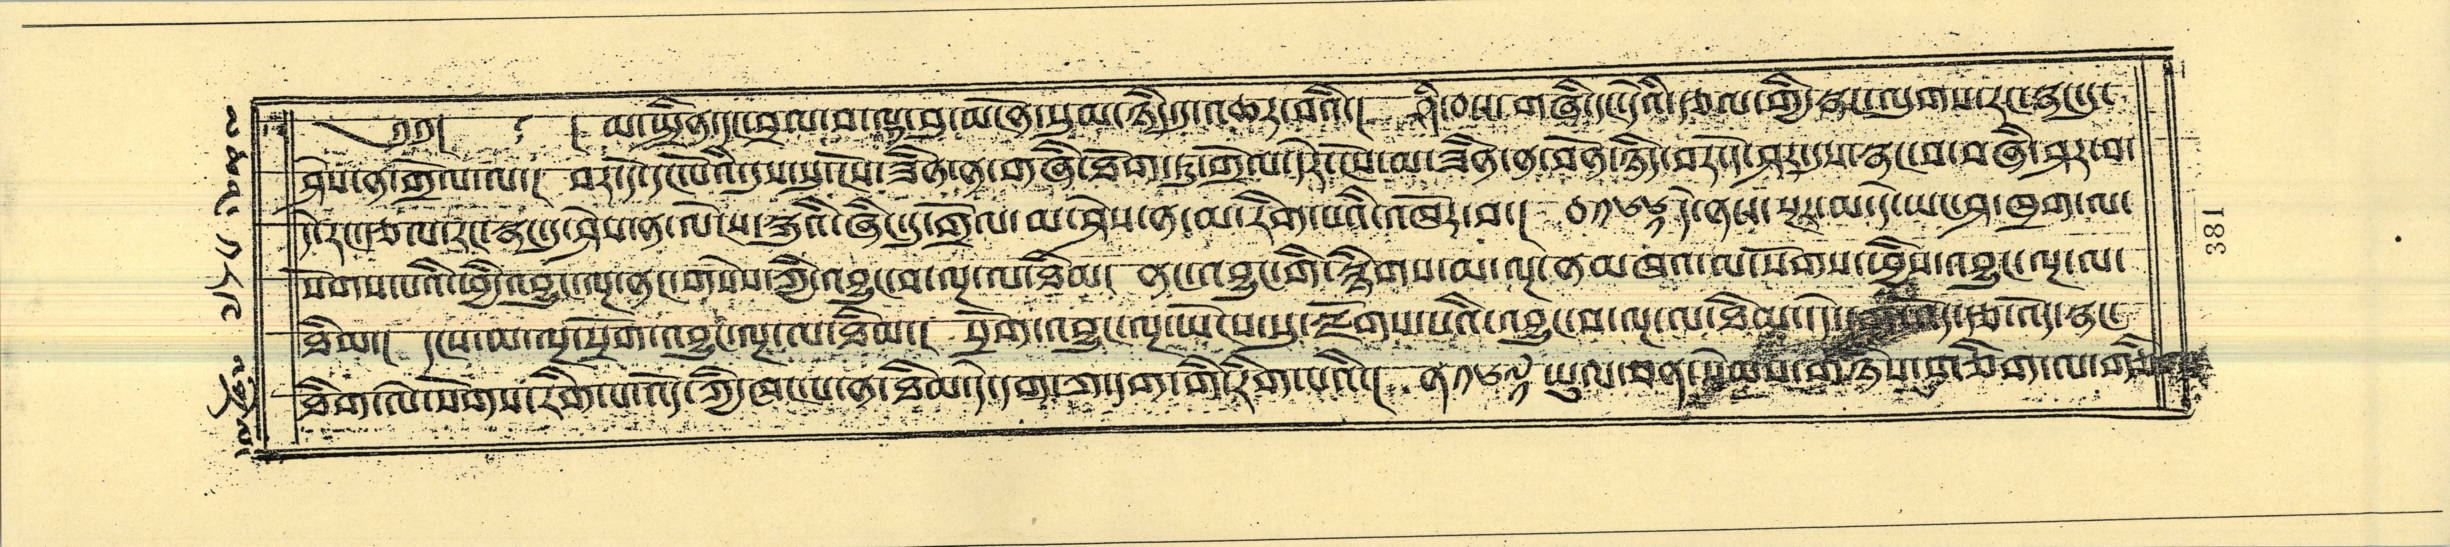མ་སྤྲིན་དང་བྲལ་བ་ལྟ་བུ་མངོན་སུམ་ཉིད་དུ་འཆར་བའི། ཤི་བས་གཞི་དང་དེའི་རྩལ་གྱི་སྣང་ལུགས་རང་སྣང་དུ་
ཤེས་ན་གྲོལ་ལ། བར་དོ་དང་པོའི་དུས་སུ་ངོས་ཟིན་ན་གཞི་ཐོག་ཏུ་གྲོལ་དེར་ངོས་མ་ཟིན་ན་བོན་ཉིད་བར་དོ་ཤར་དུས་སྣང་བ་བཞི་ཤར་བ་
དེ་རང་རྩལ་རང་སྣང་དུ་ཤེས་ན་ལོངས་སྐུའི་ཞིང་དུ་གྲོལ་མ་ཤེས་ན་མ་རིག་པའི་འཁོར་བ། བ༡༦༦།༡ དེ་ནས་སྔར་མ་དེ་ཡང་ཤ་ཁྲག་ལ་
སོགས་པའི་ཕྱི་འབྱུང་ལྔ་ནང་གསེས་ཀྱི་འབྱུང་བ་ལྔ་ལ་ཐིམ། ནང་འབྱུང་གི་སྙིགས་མ་ལྔ་ནམ་མཁའ་ལ་སོགས་ཕྱིས་འབྱུང་ལྔ་ལ་
ཐིམ། དངས་མ་ལྔ་སྲོག་འབྱུང་ལྔ་ལ་ཐིམ། སྲོག་འབྱུང་ལྔ་ཡོངས་སུ་སྫོགས་པའི་འབྱུང་བ་ལྔ་ལ་ཐིམ་དེ་དག་འོད་རྩ་འོད་སྣང་
ཐིག་ལེ་སོགས་རིག་པ་འོད་ཀྱི་ཁང་པ་ན་ཐིམ་དེ་དག་ཀ་དག་གི་རིག་པའི། ན༡༦༧།༡ ༼ཡུལ་ཅན་༽སེམས་གཉིས་གཅིག་ལ་གཅིག་